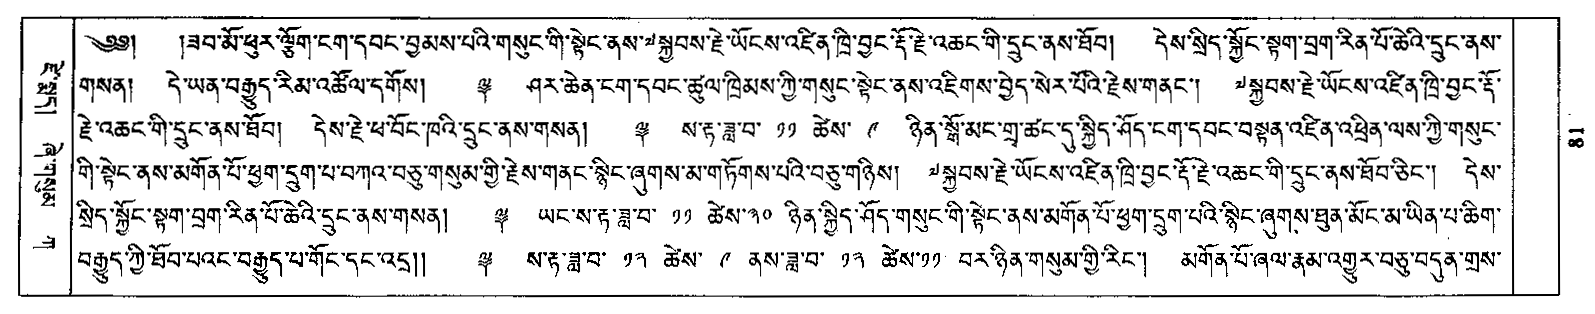༄༅། །ཟབ་མོ་ཕུར་ལྕོག་ངག་དབང་བྱམས་པའི་གསུང་གི་སྟེང་ནས་༧་སྐྱབས་རྗེ་ཡོངས་འཛིན་ཁྲི་བྱང་རྡོ་རྗེ་འཆང་གི་དྲུང་ནས་ཐོབ། དེས་སྲིད་སྐྱོང་སྟག་བྲག་རིན་པོ་ཆེའི་དྲུང་ནས་
གསན། དེ་ཡན་བརྒྱུད་རིམ་འཚོལ་དགོས། ༈ ཤར་ཆེན་ངག་དབང་ཚུལ་ཁྲིམས་ཀྱི་གསུང་སྟེང་ནས་འཇིགས་བྱེད་སེར་པོའི་རྗེས་གནང་། ༧་སྐྱབས་རྗེ་ཡོངས་འཛིན་ཁྲི་བྱང་རྡོ་
རྗེ་འཆང་གི་དྲུང་ནས་ཐོབ། དེས་རྗེ་ཕ་བོང་ཁའི་དྲུང་ནས་གསན། ༈ ས་རྟ་ཟླ་བ ༡༡་ཚེས ༩་ཉིན་སྒོ་མང་གྲྭ་ཚང་དུ་སྐྱིད་ཤོད་ངག་དབང་བསྟན་འཛིན་འཕྲིན་ལས་ཀྱི་གསུང་
གི་སྟེང་ནས་མགོན་པོ་ཕྱག་དྲུག་པ་བཀའ་བཅུ་གསུམ་གྱི་རྗེས་གནང་སྙིང་ཞུགས་མ་གཏོགས་པའི་བཅུ་གཉིས། ༧་སྐྱབས་རྗེ་ཡོངས་འཛིན་ཁྲི་བྱང་རྡོ་རྗེ་འཆང་གི་དྲུང་ནས་ཐོབ་ཅིང་། དེས་
སྲིད་སྐྱོང་སྟག་བྲག་རིན་པོ་ཆེའི་དྲུང་ནས་གསན། ༈ ཡང་ས་རྟ་ཟླ་བ ༡༡་ཚེས ༣༠་ཉིན་སྐྱིད་ཤོད་གསུང་གི་སྟེང་ནས་མགོན་པོ་ཕྱག་དྲུག་པའི་སྙིང་ཞུགས་ཐུན་མོང་མ་ཡིན་པ་ཆིག་བརྒྱུད་ཀྱི་ཐོབ་པའང་བརྒྱུད་པ་གོང་དང་འདྲ།། ༈ ས་རྟ་ཟླ་བ ༡༢་ཚེས ༩་ནས་ཟླ་བ ༡༢་ཚེས ༡༡་བར་ཉིན་གསུམ་གྱི་རིང་། མགོན་པོ་ཞལ་རྣམ་འགྱུར་བཅུ་བདུན་གྲས་